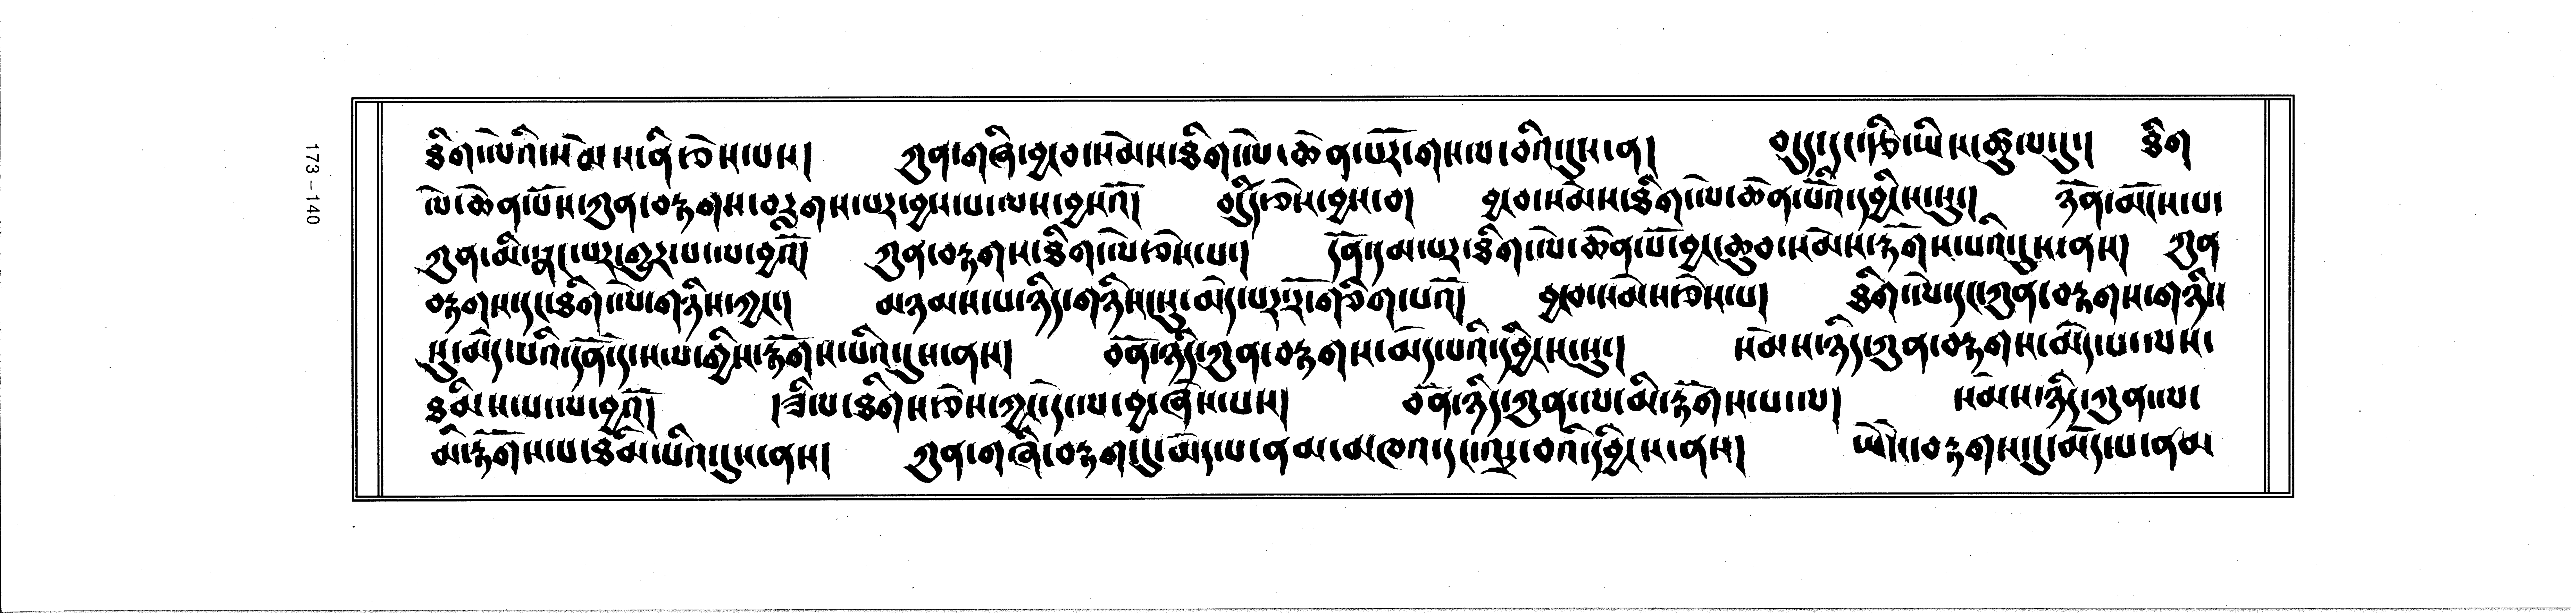ཐིག་ལེའི་སེམས་ནི་ཅེས་པས། ཀུན་གཞི་བྱང་ཆུབ་སེམས་ཐིག་ལེ་ཆེན་པོར་གསལ་བའི་དུས་ན། བདུད་དང་རྩི་ཡི་ཚུལ་དུ་ཐིག་
ལེ་ཆེན་པོས་ཀུན་བརྟགས་བརླག་པར་བྱས་པ་ལ་བྱའོ། །བདུད་རྩི་ཞེས་པས། བྱང་ཆུབ་ཀྱི་སེམས་ཐིག་ལེ་ཆེན་པོའི་དབྱིངས་སུ། ཉོན་མོངས་པ་
ཀུན་བརྟགས་མི་སྣང་བར་གྱུར་པ་ལ་བྱའོ། །ཀུན་བརྟགས་ཐིག་ལེ་ཅེས་པས། དོན་དམ་པར་ཐིག་ལེ་ཆེན་པོ་བྱང་ཆུབ་ཀྱི་སེམས་རྟོགས་པའི་དུས་ནས། ཀུན་
བརྟགས་དང་ཐིག་ལེ་གཉིས་ཀྱང་མཉམ་པ་ཉིད་གཉིས་སུ་མེད་པར་རོ་གཅིག་པའོ། བྱང་ཆུབ་ཀྱི་སེམས་ཅེས་པས། ཐིག་ལེ་དང་ཀུན་བརྟགས་གཉིས་
སུ་མེད་པའི་དོན་དེ་སལ་གྱིས་རྟོགས་པའི་དུས་ནས། བོན་ཉིད་ཀུན་བརྟགས་མེད་པའི་དབྱིངས་སུ། སེམས་ཉིད་ཀུན་བརྟགས་མེད་པ་ལས་
ཐིམ་པ་ལ་བྱའོ། །ཟིལ་ཐིག་ཅེས་ཀྱང་དེ་ལ་བྱ་ཞེས་པས། བོན་ཉིད་ཀུན་ལ་མི་རྟོག་པ་ལ་སེམས་ཉིད་ཀུན་ལ་
མི་རྟོག་པ་ཐིམ་པའི་དུས་ན། ཀུན་གཞི་བརྟག་ཏུ་མེད་པ་ནམ་མཁའ་དང་འདྲ་བའི་དབྱིངས་ནས། ཡེ་ཤེས་བརྟགས་ཏུ་མེད་པ་ནམ་